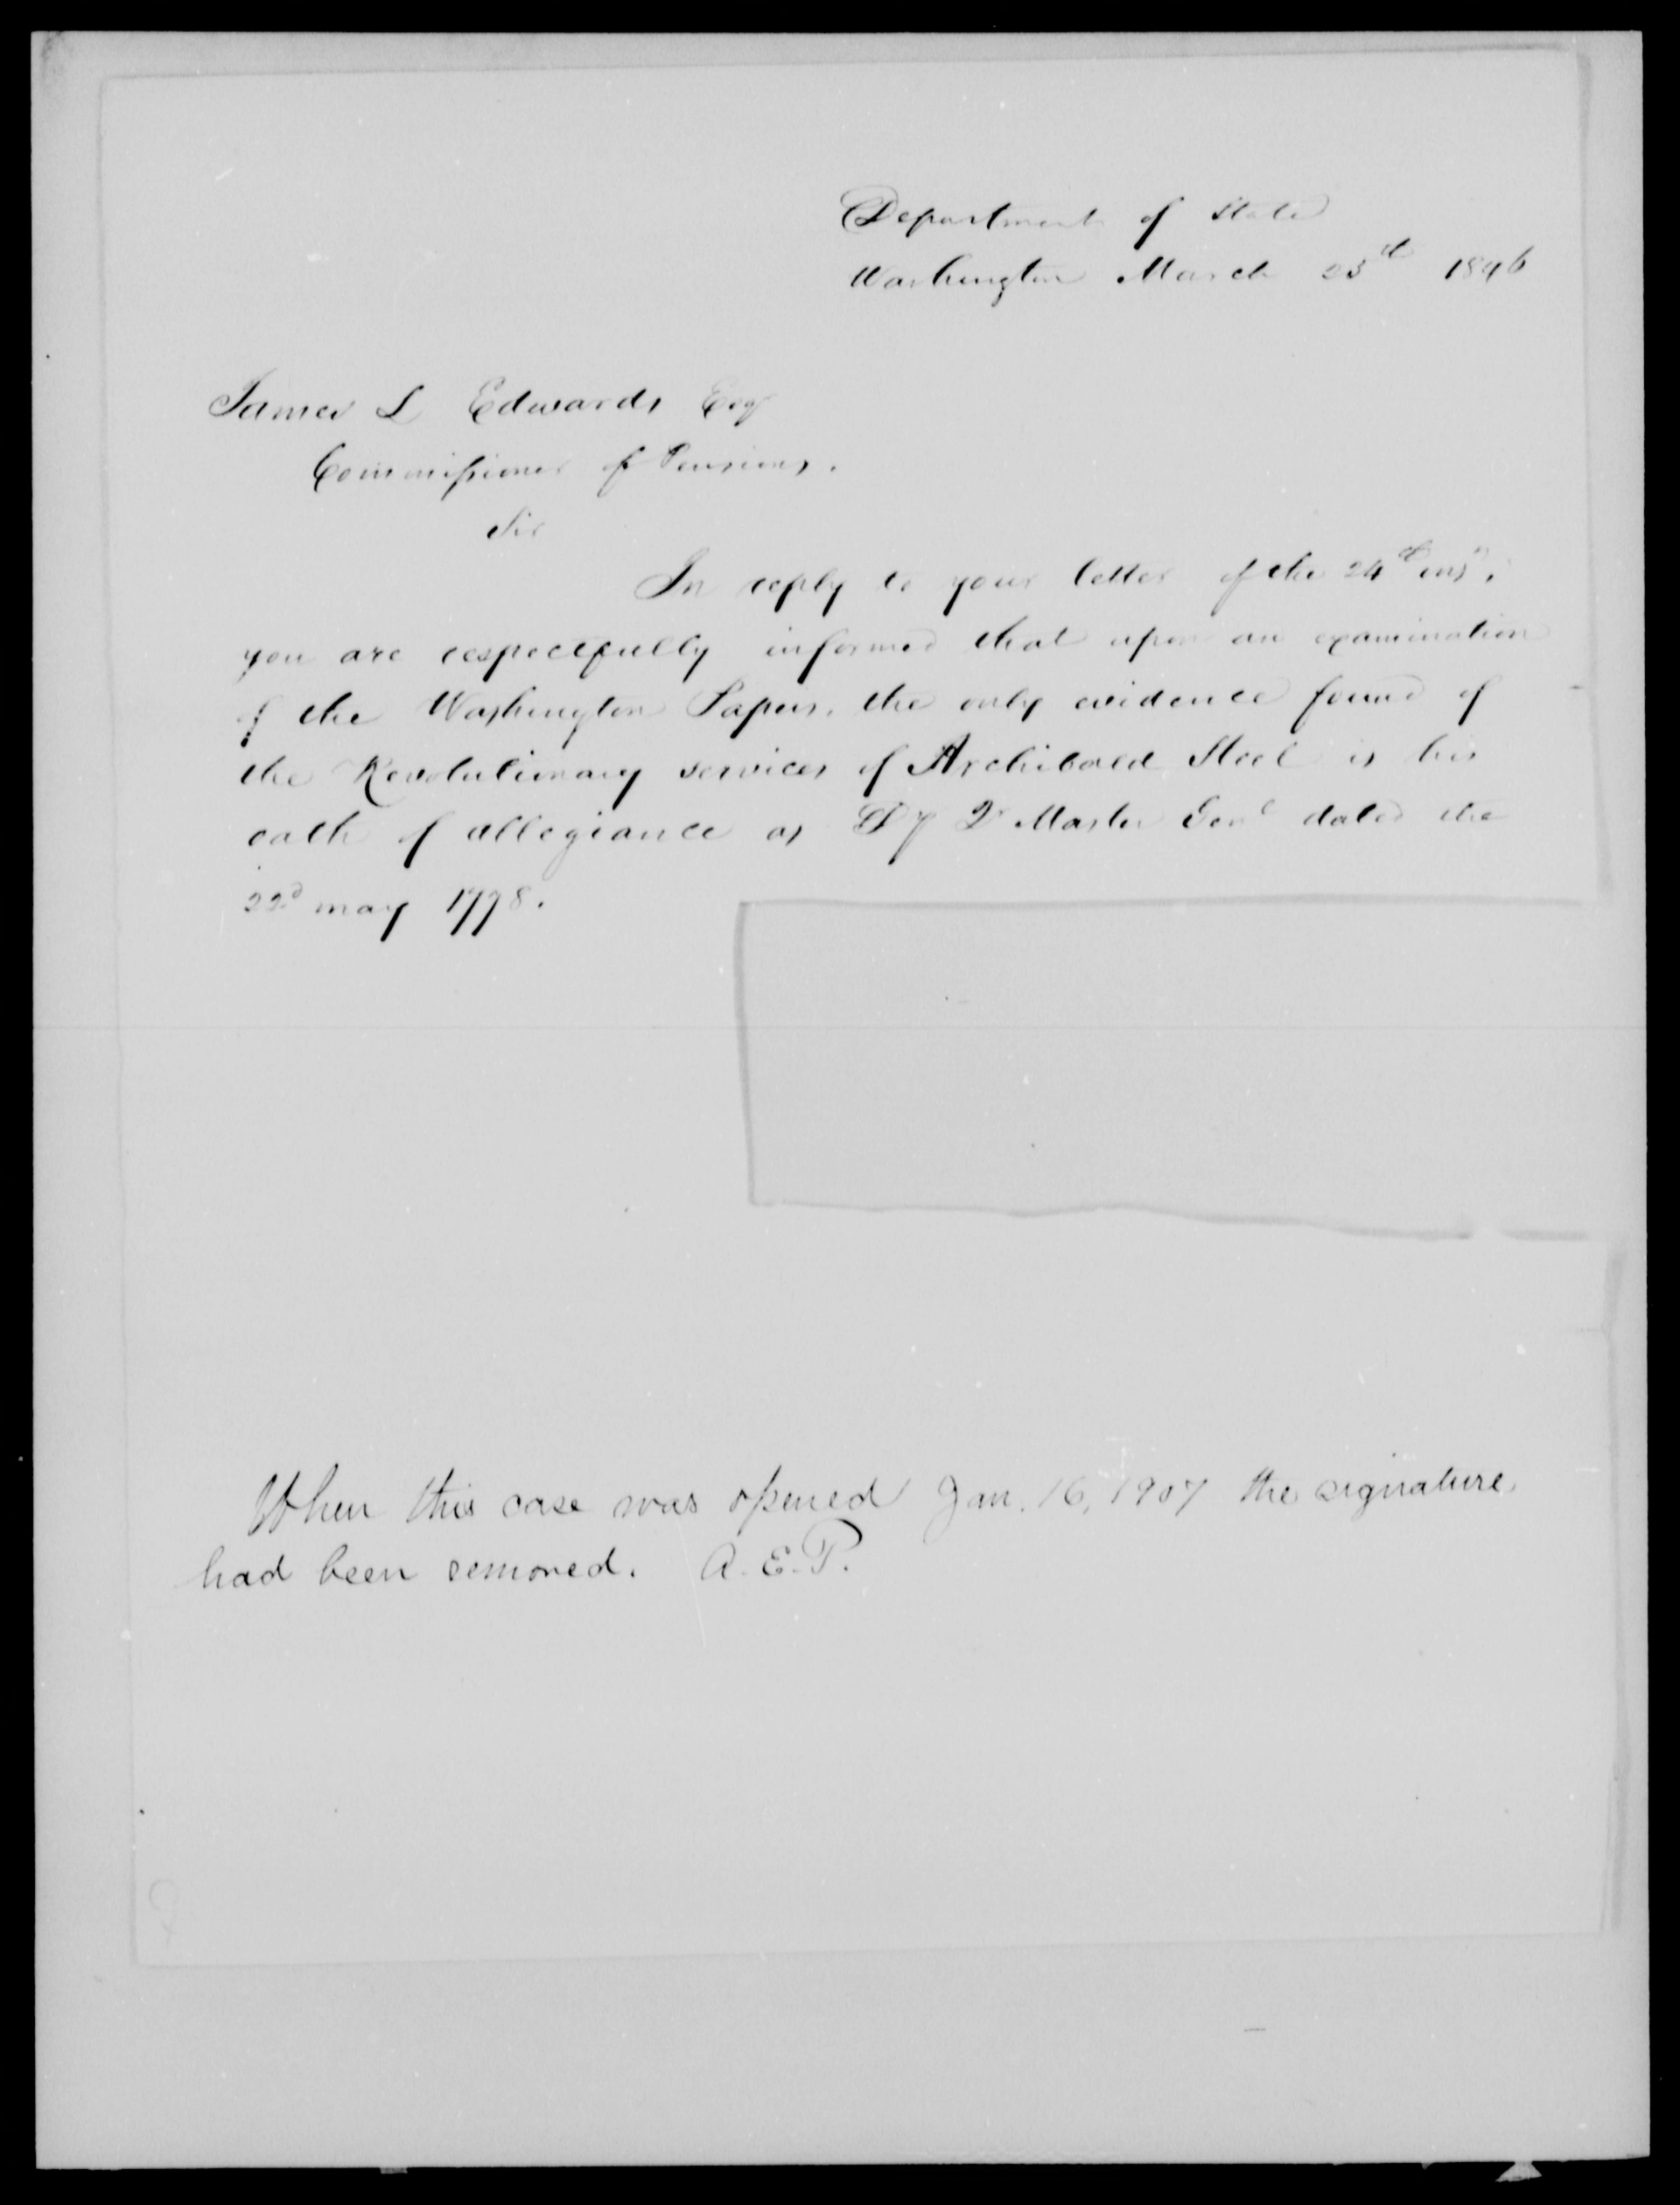Department of State
Washington, March 23, 1846

James L Edwards, Esq
Commissioner of Pensions

Sir,

In reply to your letter of the 24th last, you are respectfully informed that upon an examination of the Washington papers, the only evidence found of the Revolutionary services of Archibald Steel is his oath of allegiance as Deputy Quarter Master General, date of 22nd May 1778.


When this case was opened Jan 16, 1907, the signature had been removed.  AEP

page: 19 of 28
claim: survivor's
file: S. 7601, for Archibald Steel, Pennsylvania